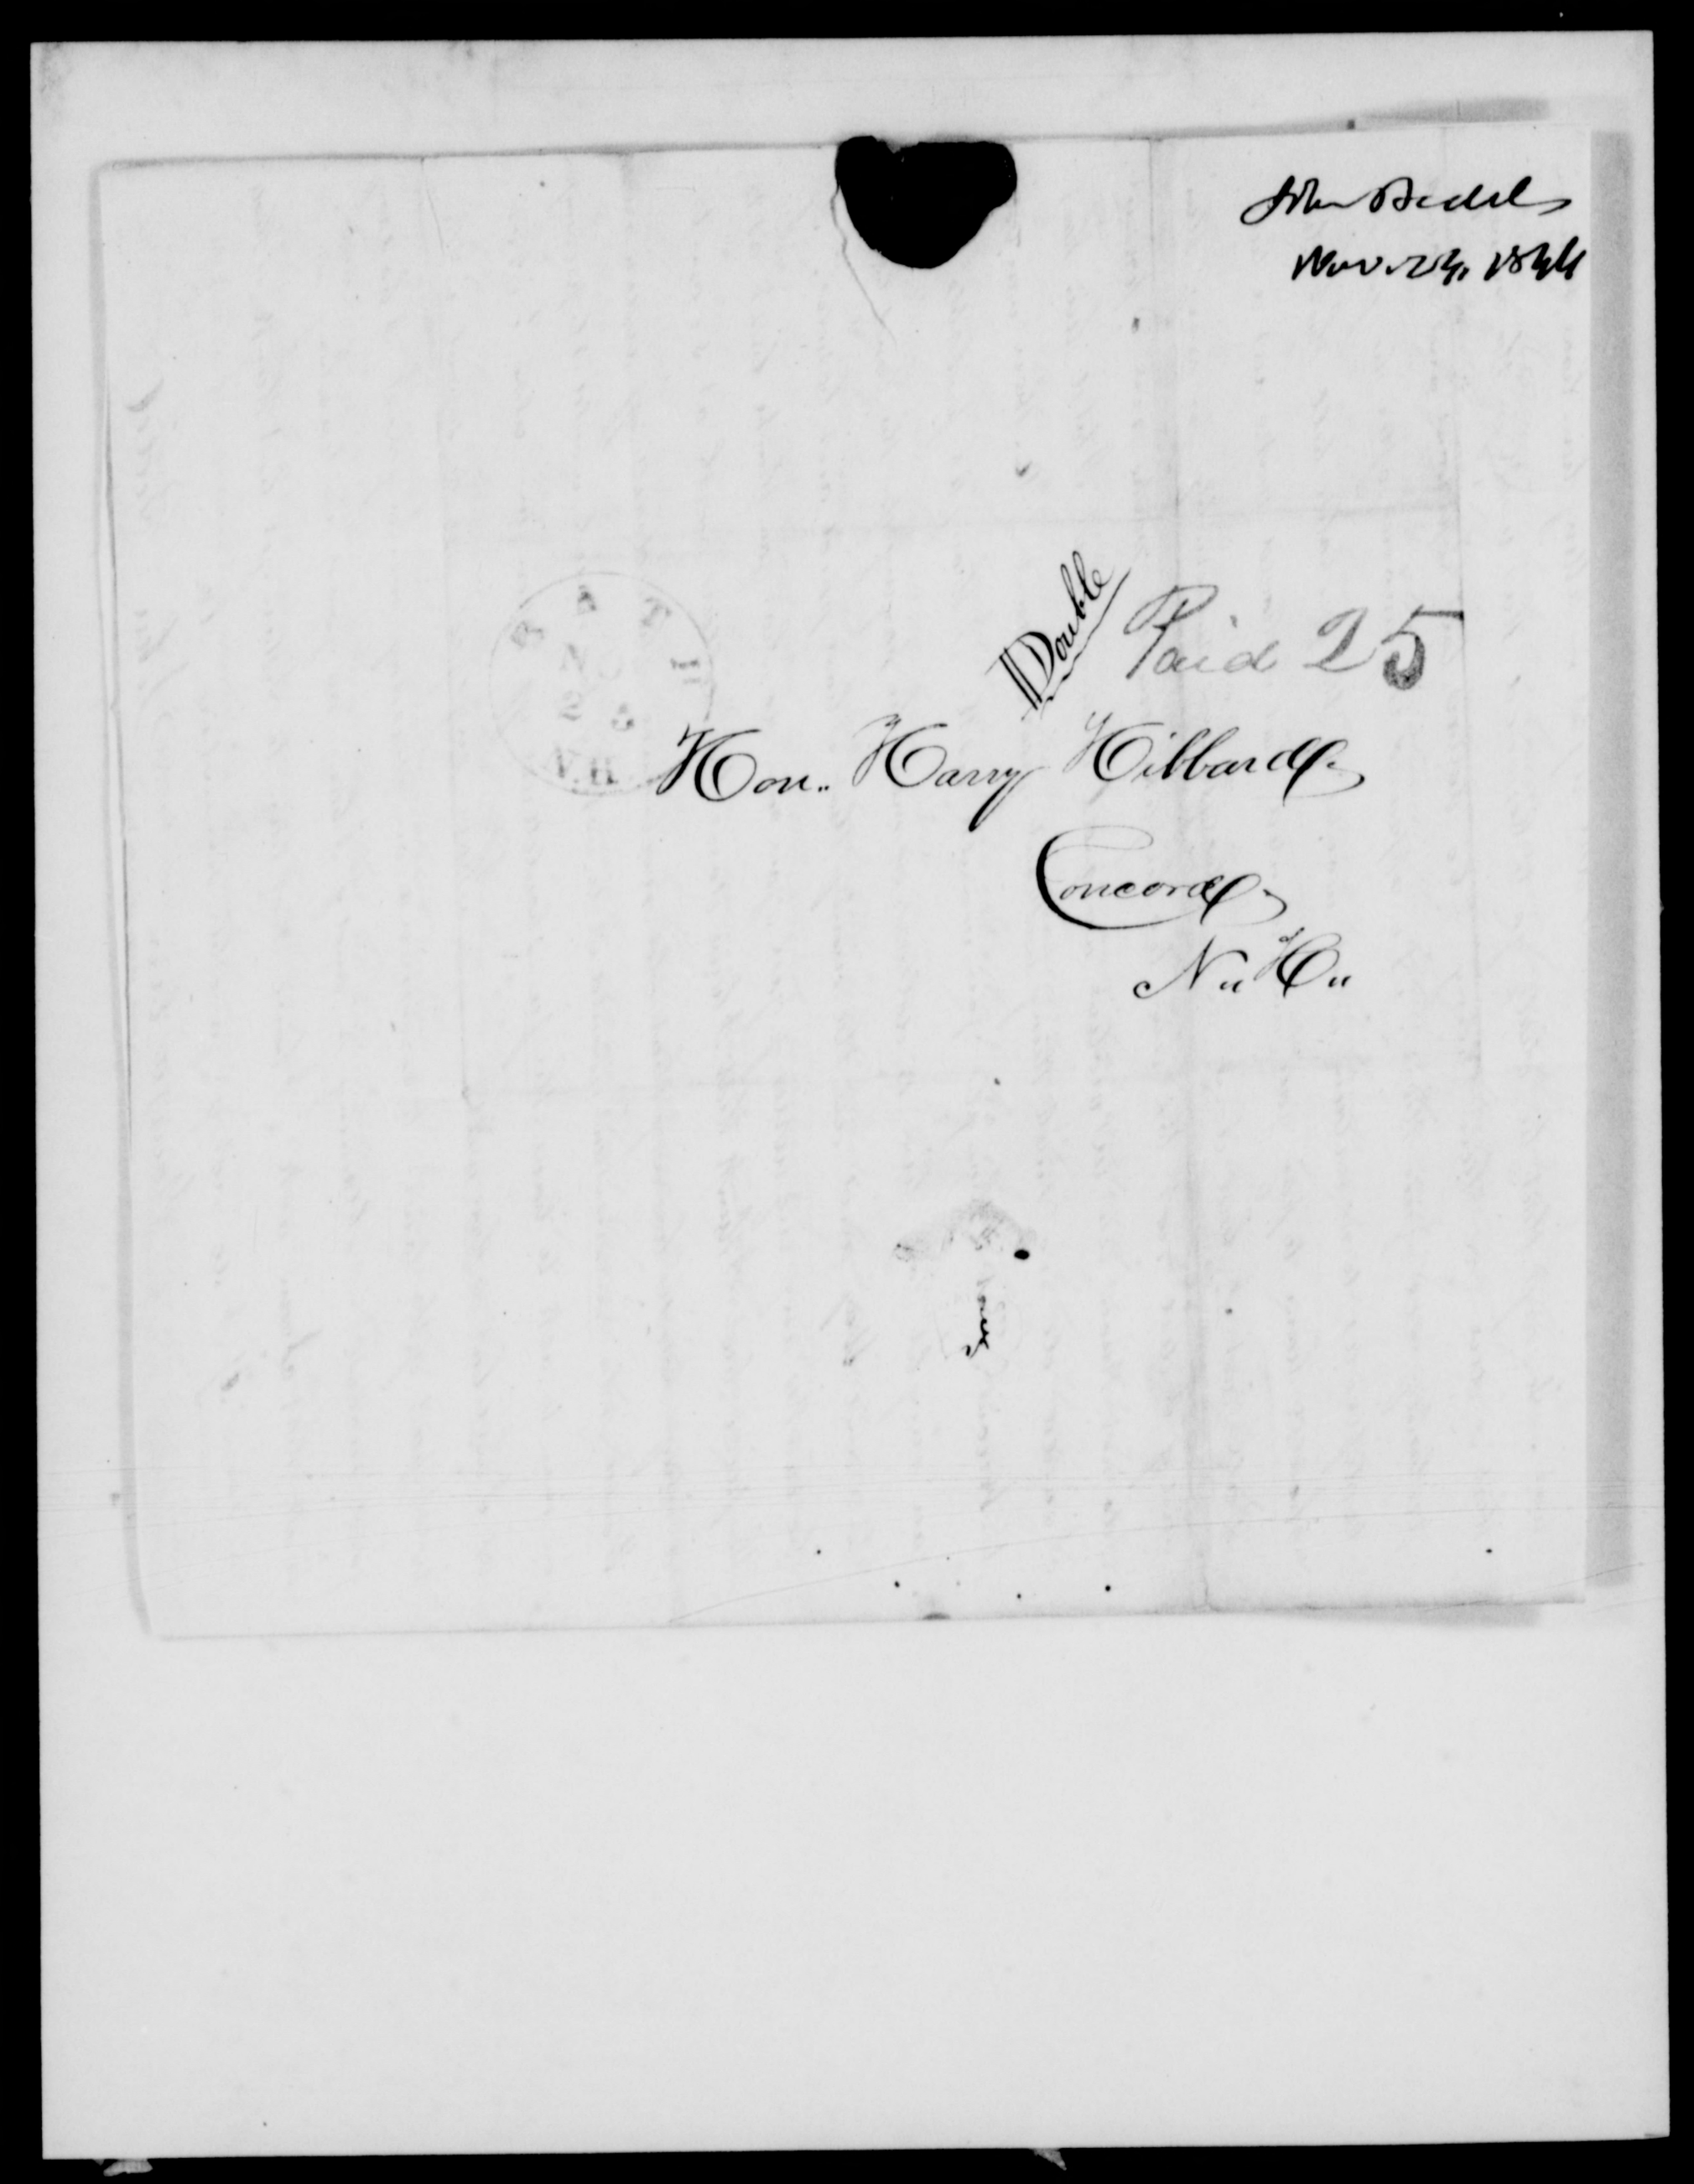John Bedel
Nov 24 1844
double Paid 25
Hon Harry Hibbard
Concord
N. H.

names: John Bedel, Harry Hibbard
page: 45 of 78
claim: widow's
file: W. 25856, Samuel Way, N.H.